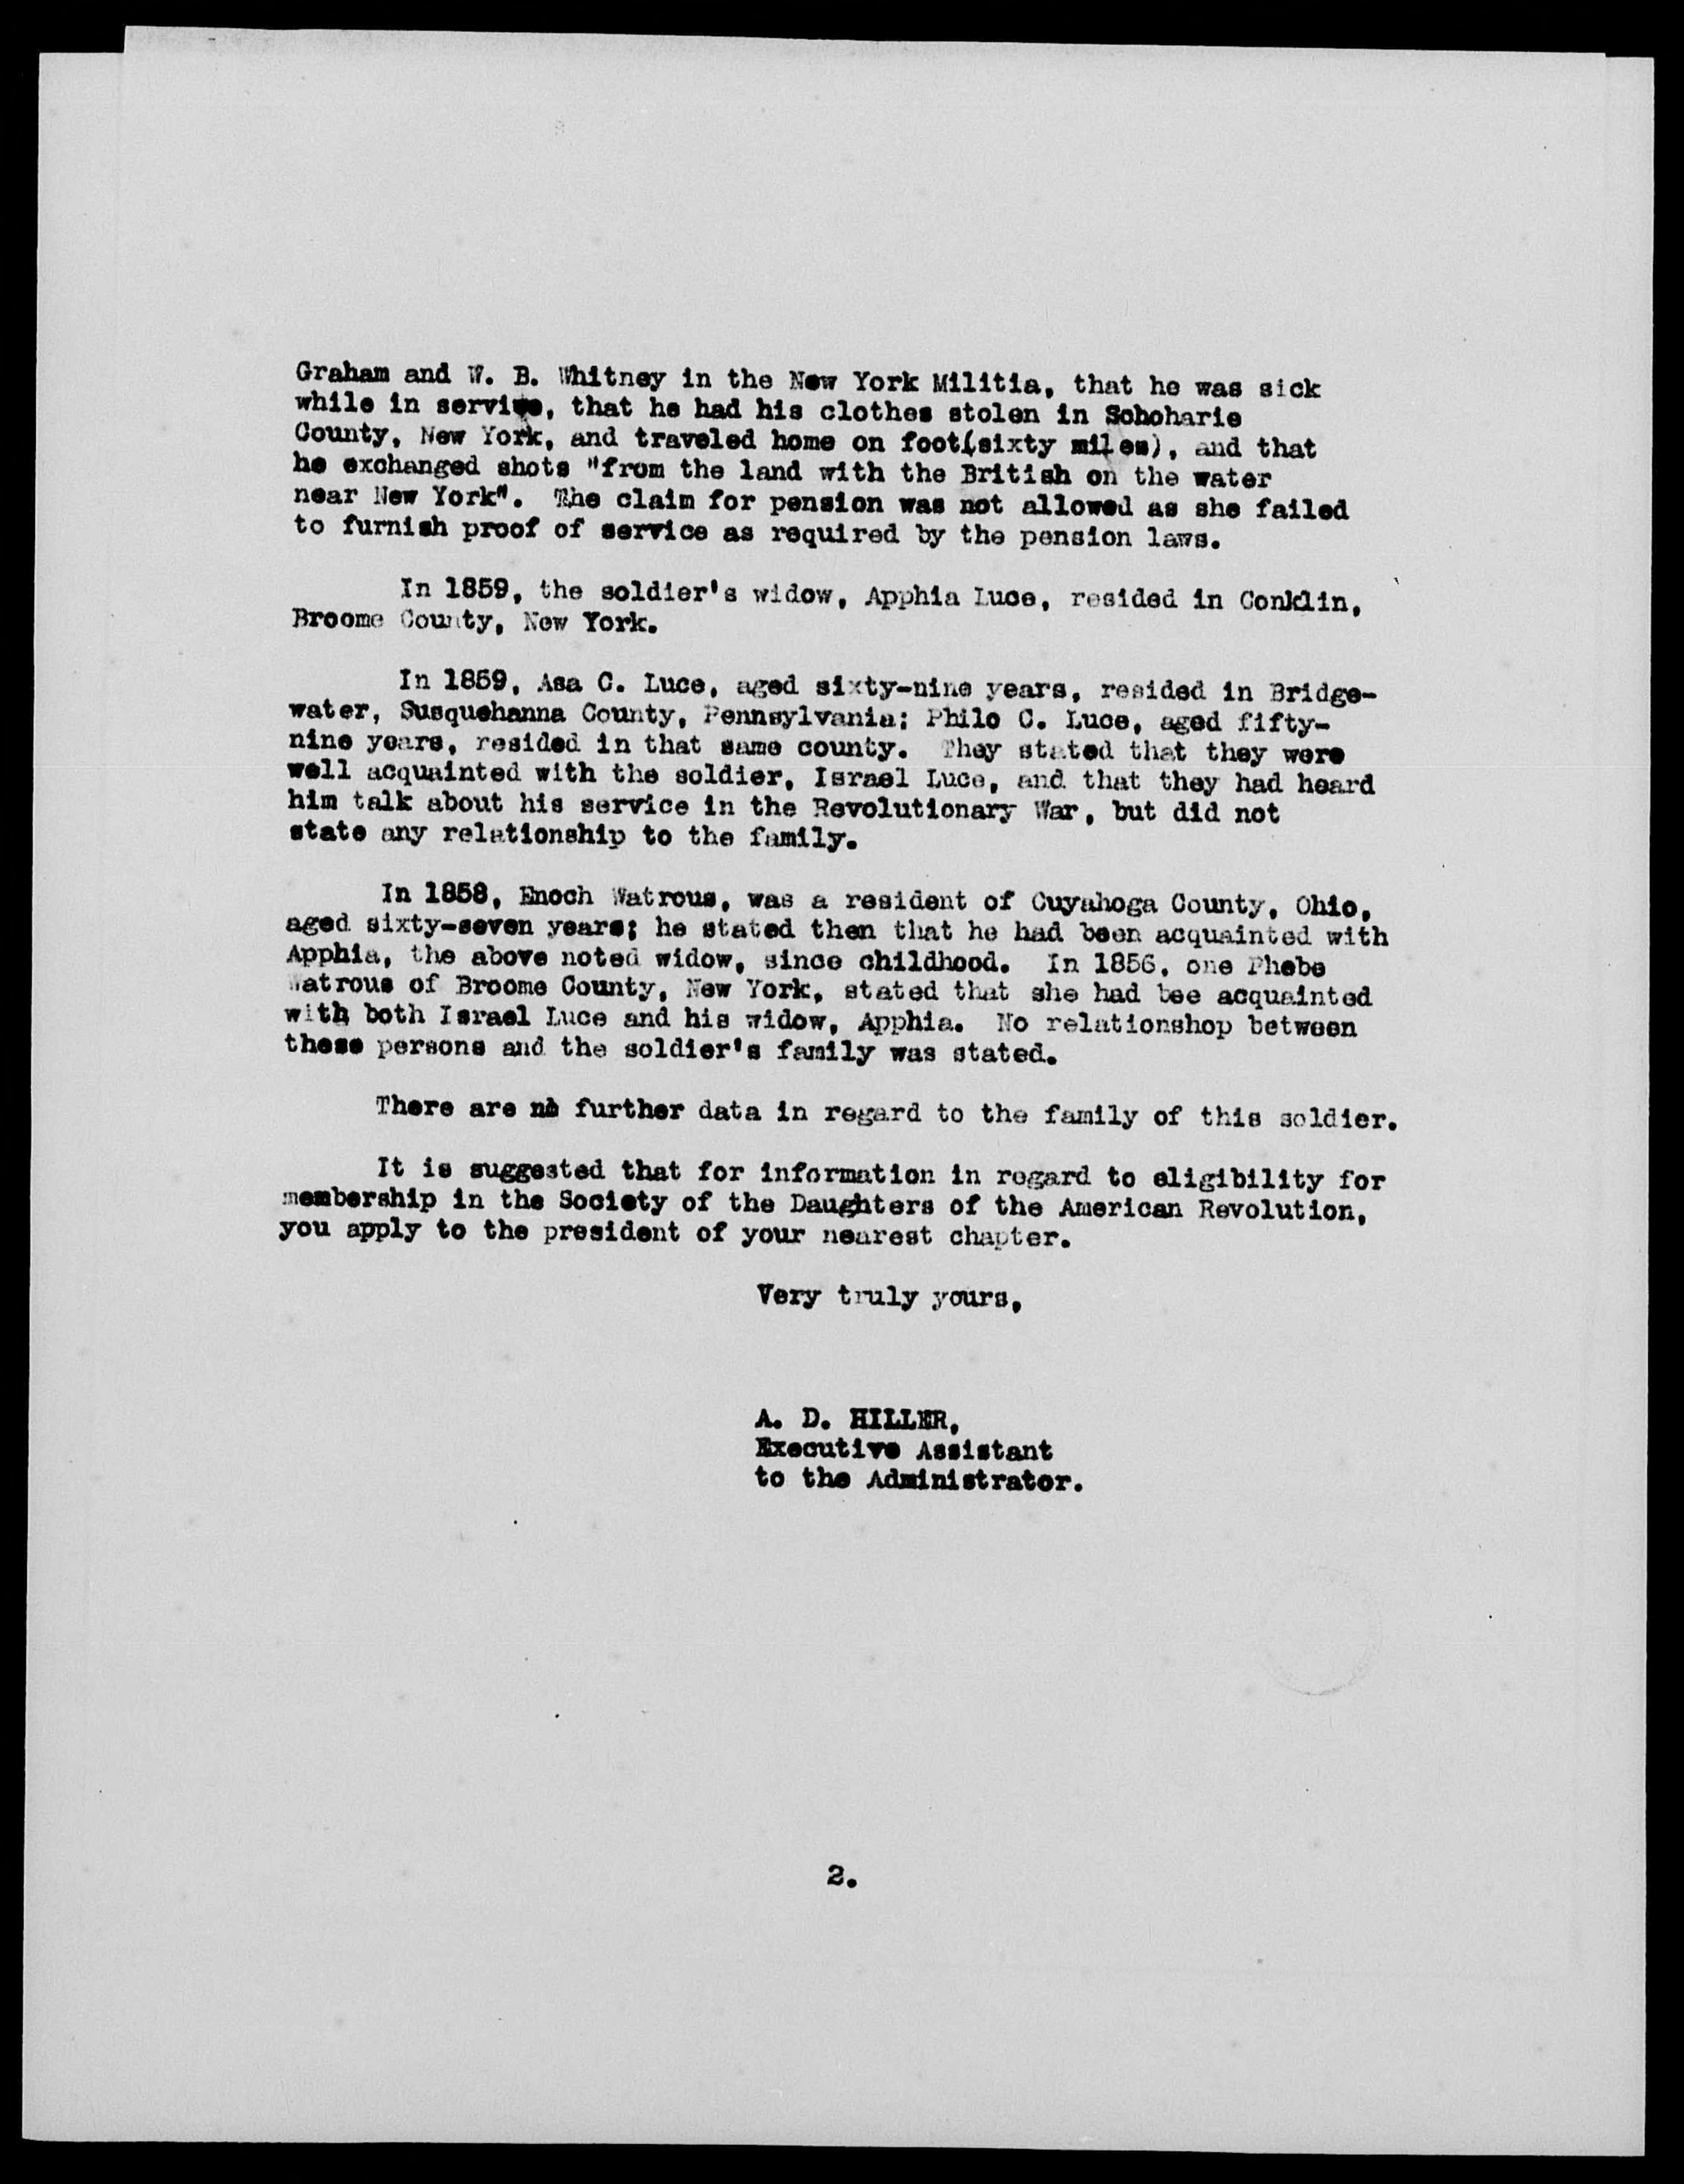Graham and W. B Whitney in the New York Militia, that he was sick while serving, that he had his clothes stolen in Schoharie County, New York, and traveled home on foot(sixty miles), and that he exchanged shots "from the land with the British on the water near New York".  The claim for pension was not allowed as she failed to furnish proof of service as required by the pension laws.

In 1859, the soldier's widow, Apphia Luce, resided in Conklin, Broome County, New York.

In 1859, Asa C. Luce, aged sixty-nine years, resided in Bridgewater, Susquehanna County, Pennsylvania:  Philo C. Luce, aged fifty-nine years, resided in that same county.  They stated that they were well acquainted with the soldier, Israel Luce, and that they had heard him talk about his service in the Revolutionary War, but did not state any relationship to the family.

In 1858, Enoch Watrous, was a resident of Cuyahoga County, Ohio, aged sixty-seven years;  he stated then that he had been acquainted with Apphia, the above noted widow, since childhood.  In 1856, one Phebe Watrous of Broome County, New York, stated that she had been acquainted with both Israel Luce and his widow, Apphia.  No relationshop between these persons and the soldier's family was stated.

There are no further data in regard to the family of this soldier.

It is suggested that for information in regard to eligibility for membership in the Society of the Daughters of the American Revolution, you apply to the president of your nearest chapter.

Very truly yours,

A. D. HILLER,
Executive Assistant
to the Administrator.

2.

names: Phebe Watrous; Asa C Luce; [BLANK] Graham; A D Hiller; Enoch Watrous; Israel Luce; Philo C Luce; Apphia Luce; W B Whitney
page: 14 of 70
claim: rejected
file: R. 6510, for Israel Luce, New York